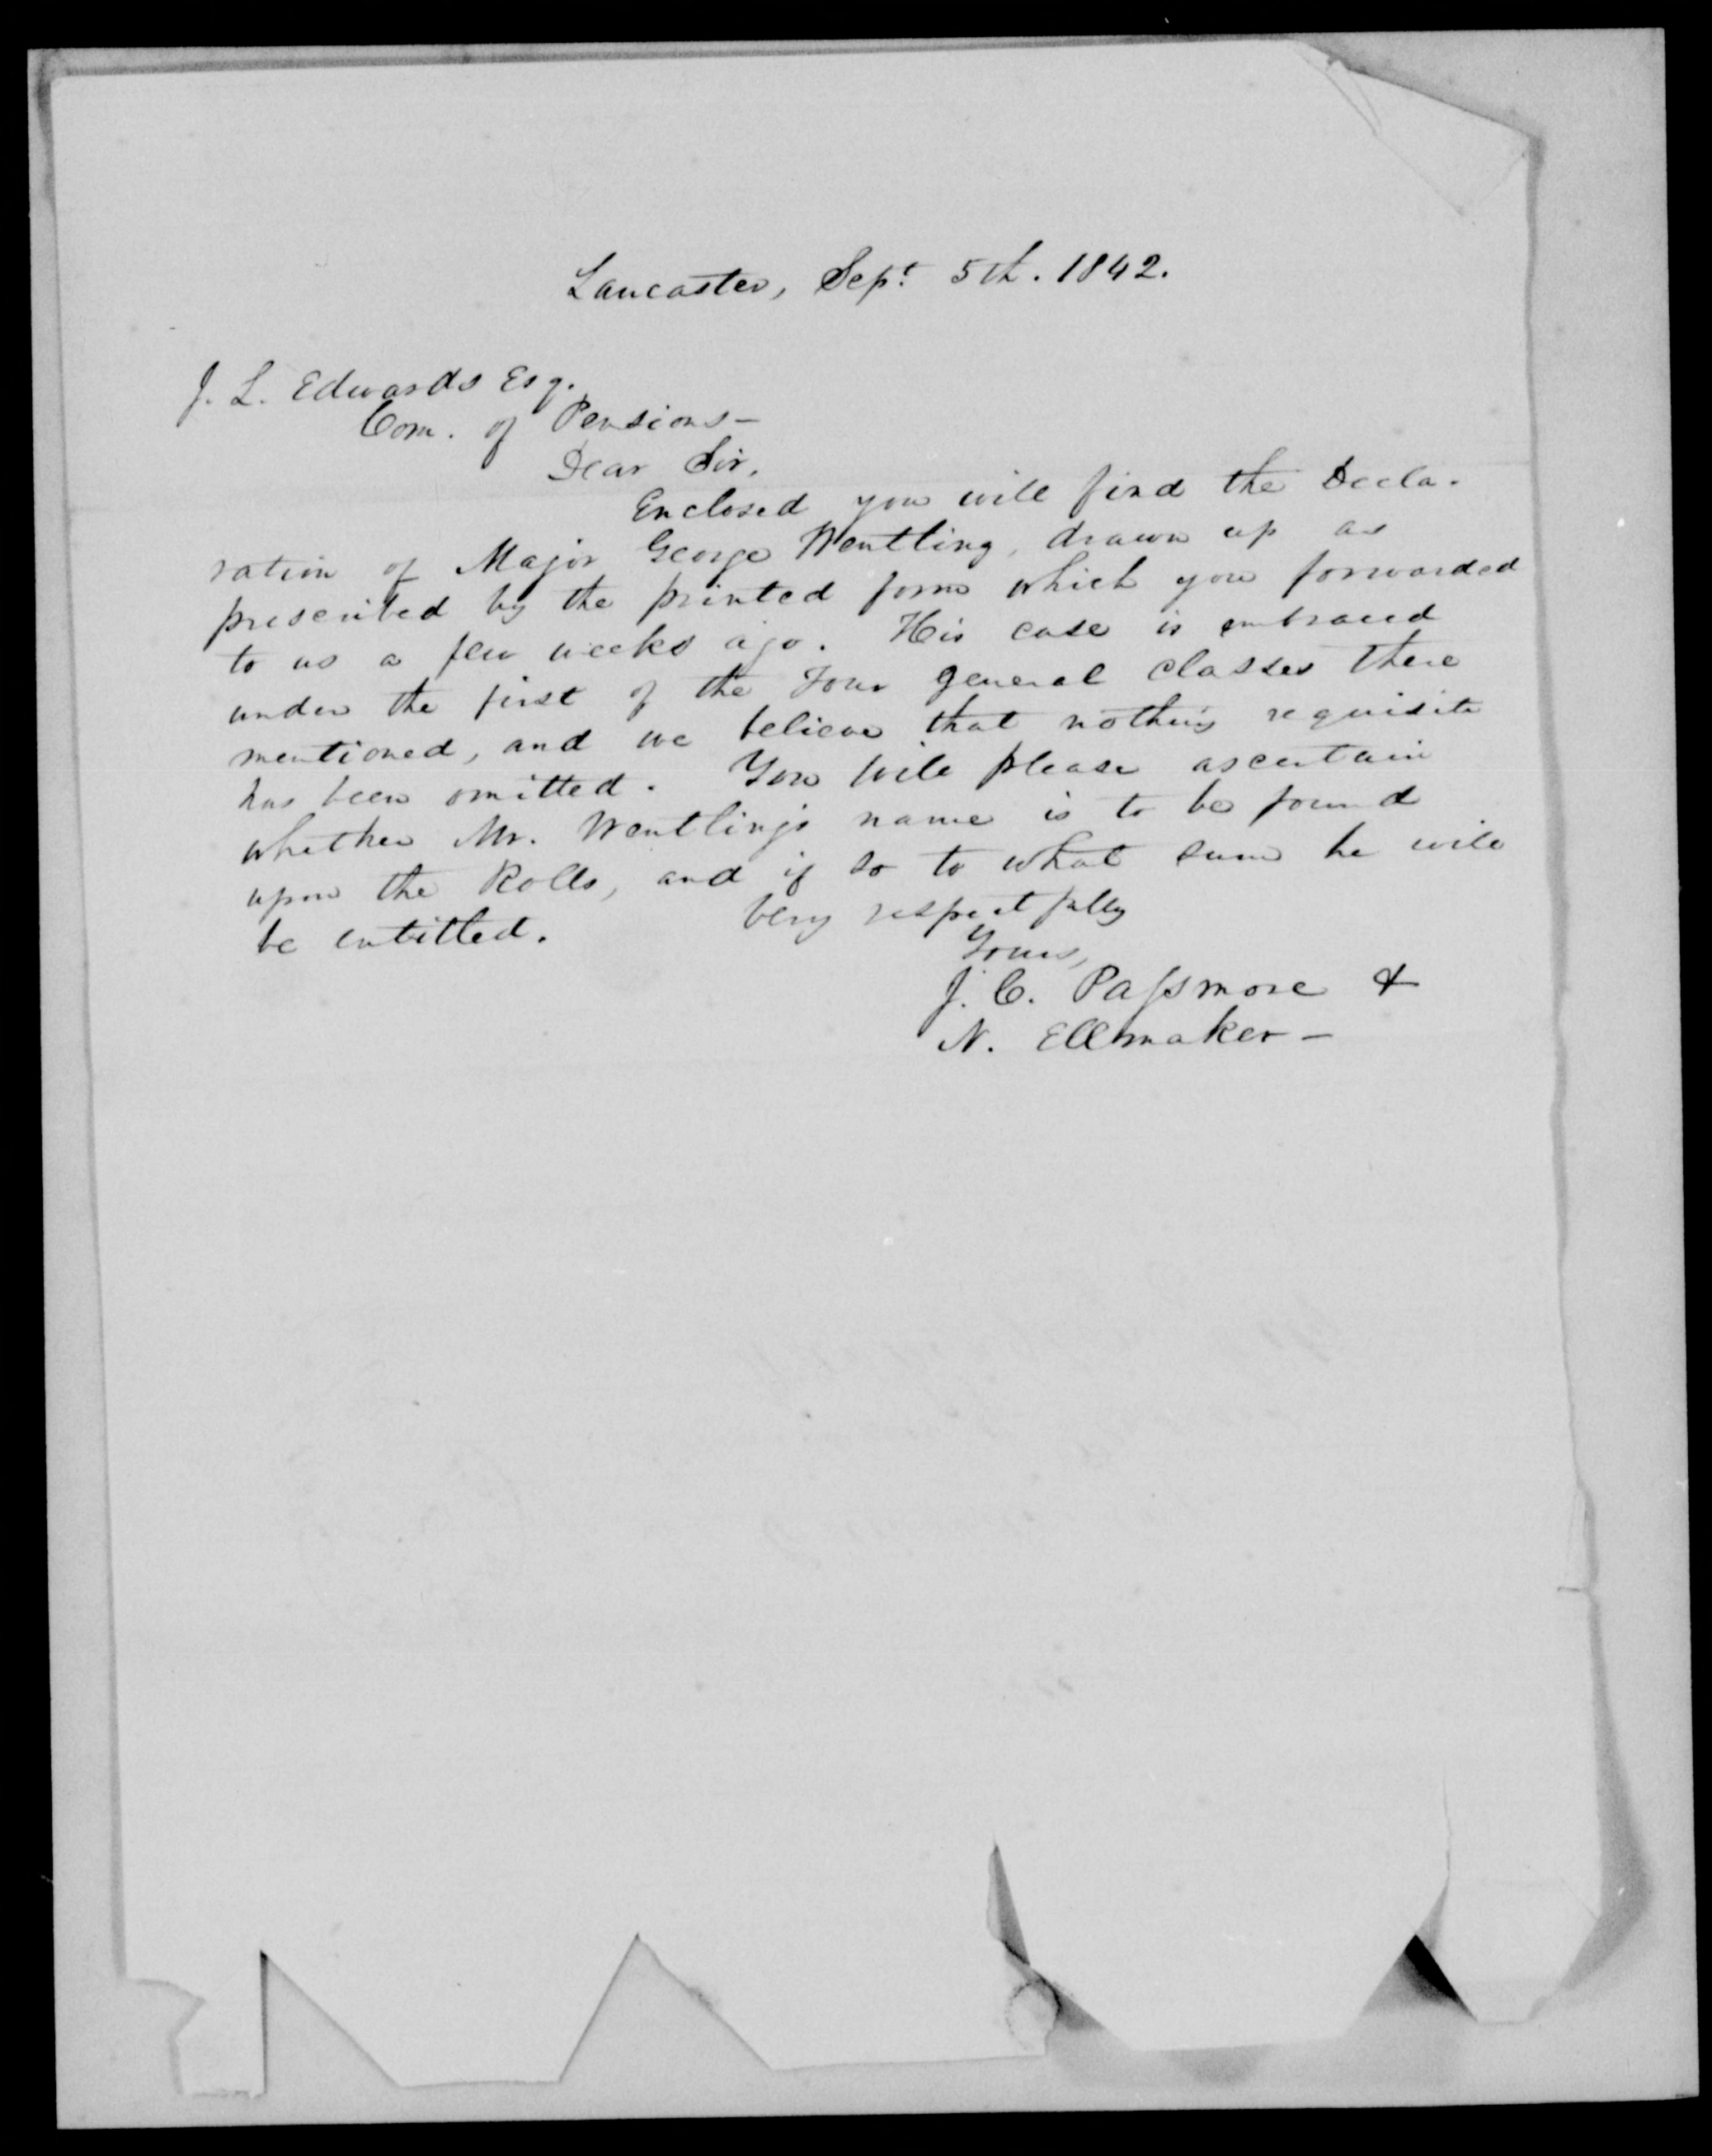Lancaster, Sept 5th. 1842

J. L. Edwards Esq.
Com. of Pensions/
Dear Sir.

Enclosed you will find the Declaration of Major George Wentling, drawn up as presented by the printed form which you forwarded to us a few weeks ago.  His case is embraced under the first of the four general classes there mentioned, and we believe that nothing requisite has been omitted.  You will please ascertain whether Mr. Wentling's name is to be found upon the Rolls, and if so to what sum he will be entitled.  
Very respectfully
Yours, 
J. C. Passmore &
N. Ellmaker.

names: George Wentling, J C Passmore, N Ellmaker, J L Edwards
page: 10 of 68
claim: survivor's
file: S. 6,358, George Wentling, Penn.